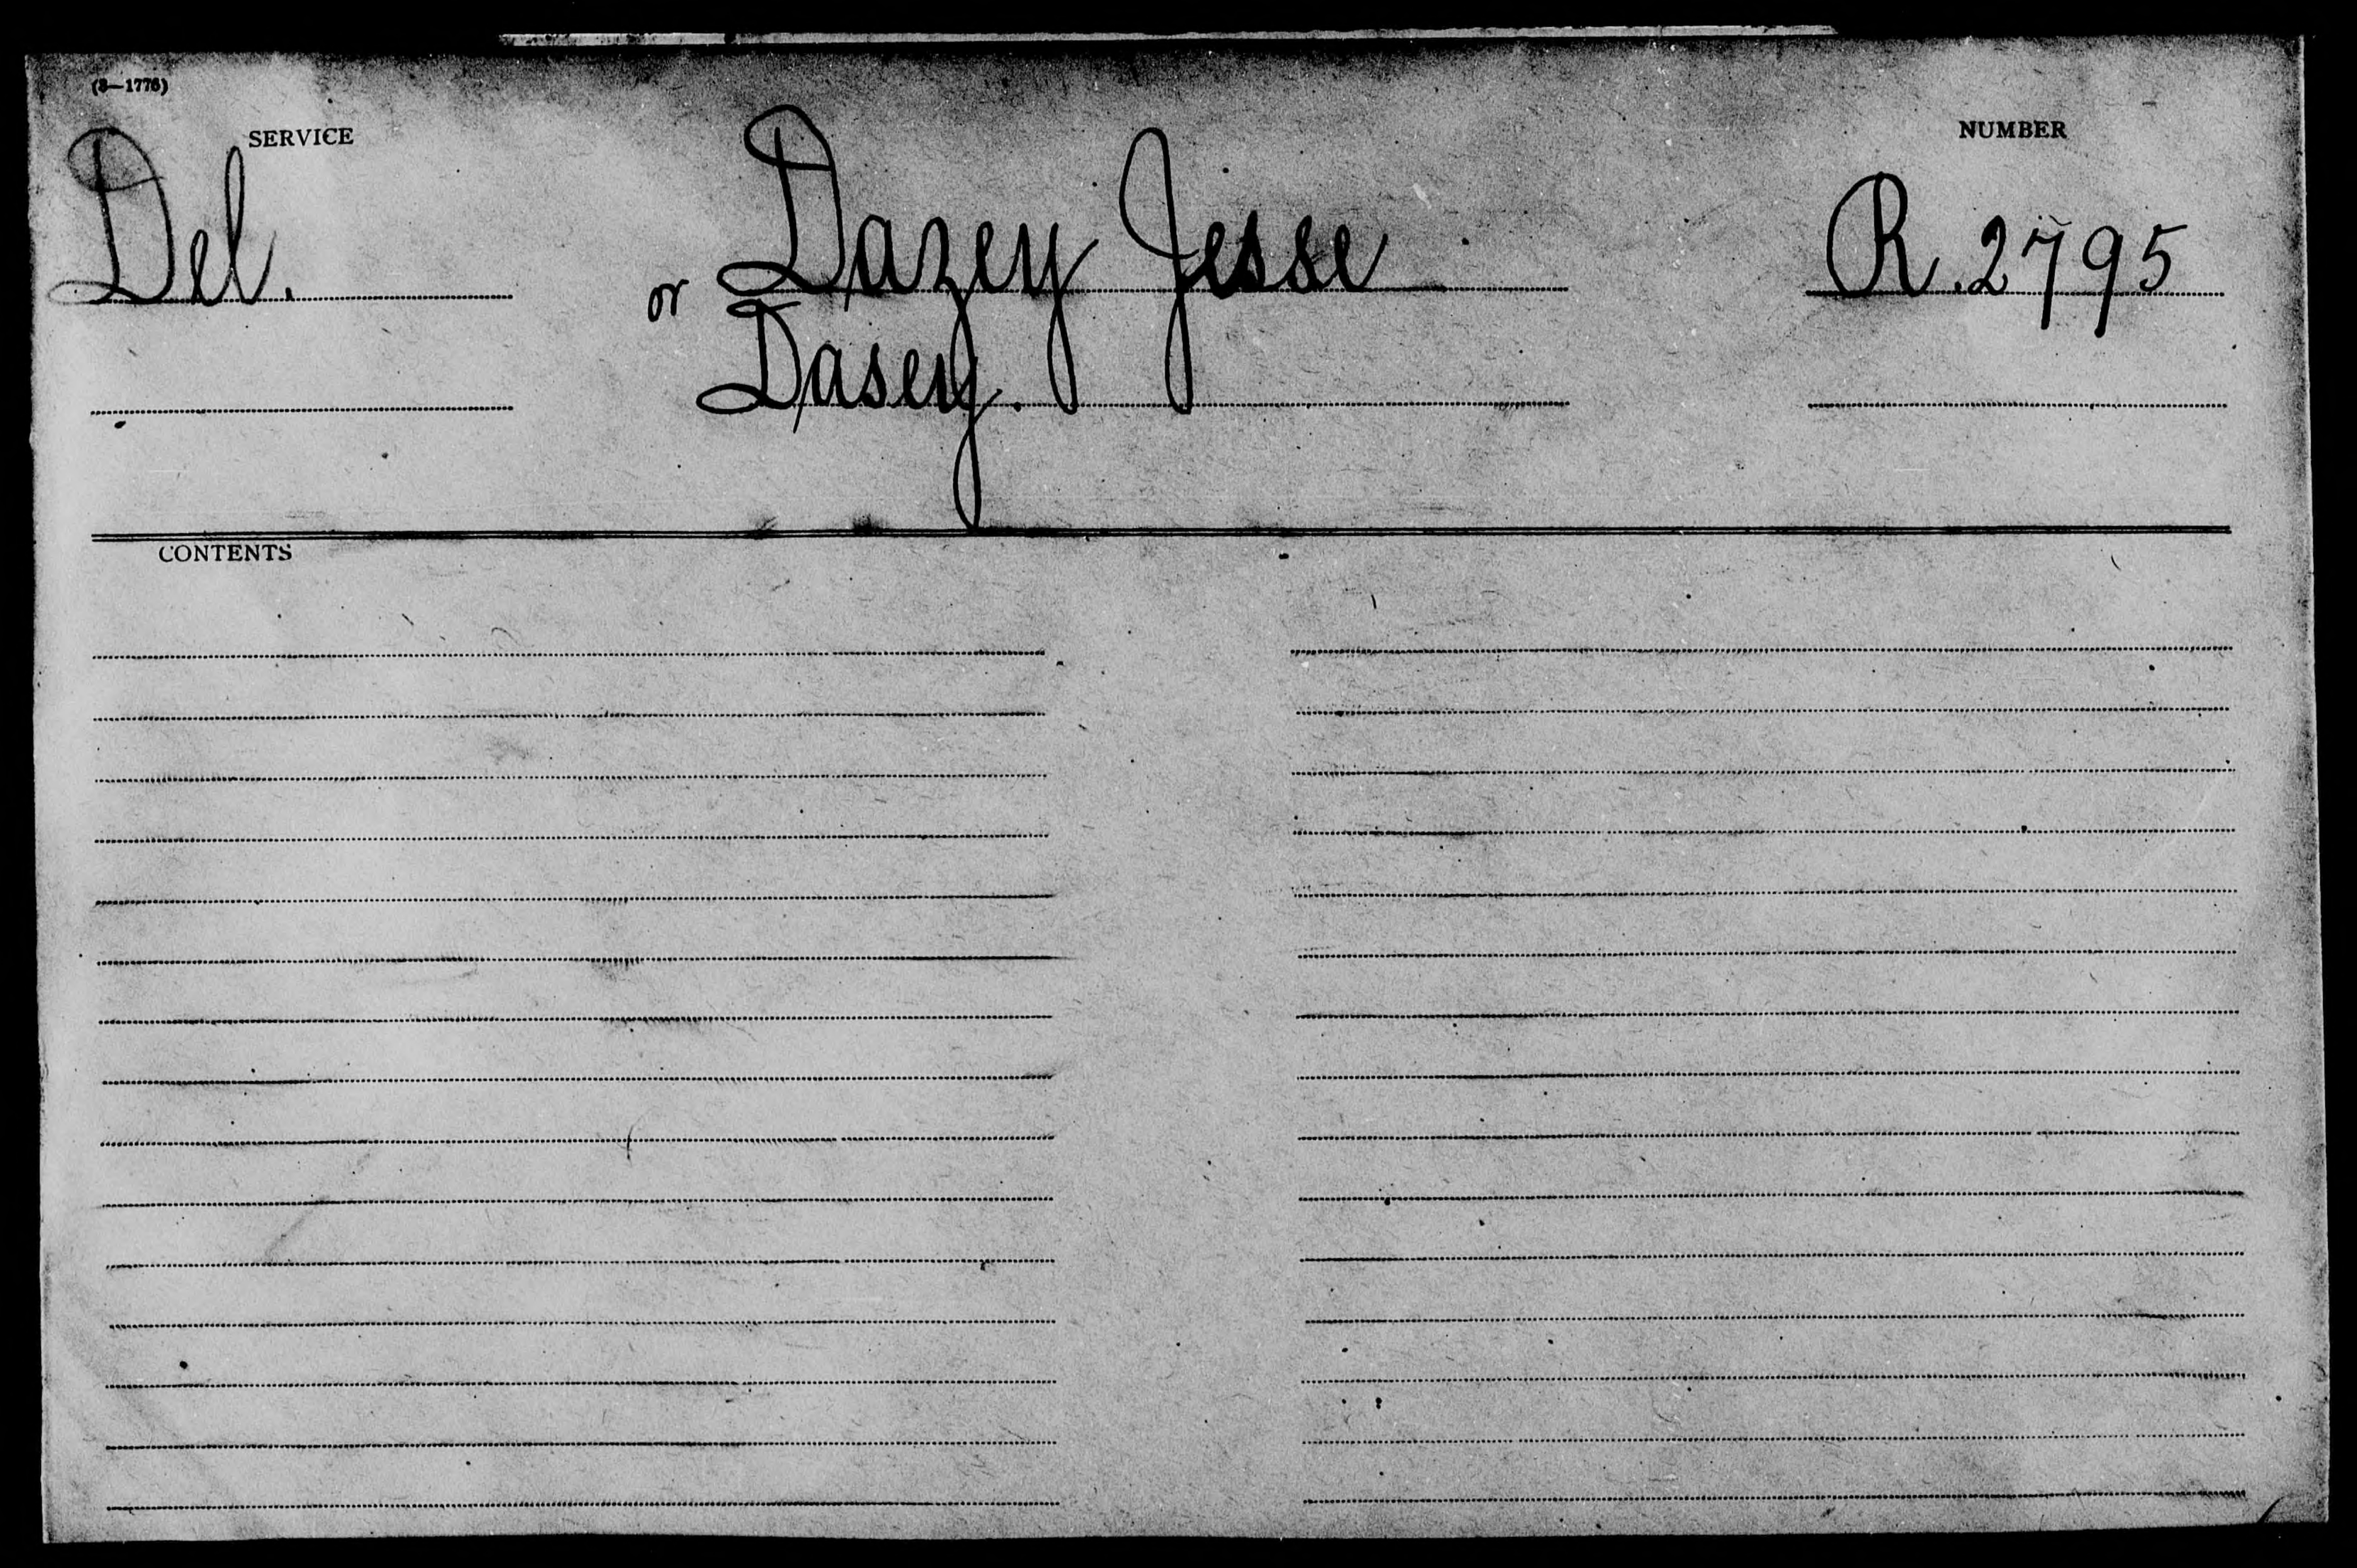SERVICE
Del.

Dazey Jesse
or
Dasey

NUMBER
R.2795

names: Jesse Dasey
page: 1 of 32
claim: rejected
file: R. 2795, Jesse Dazey, Del.